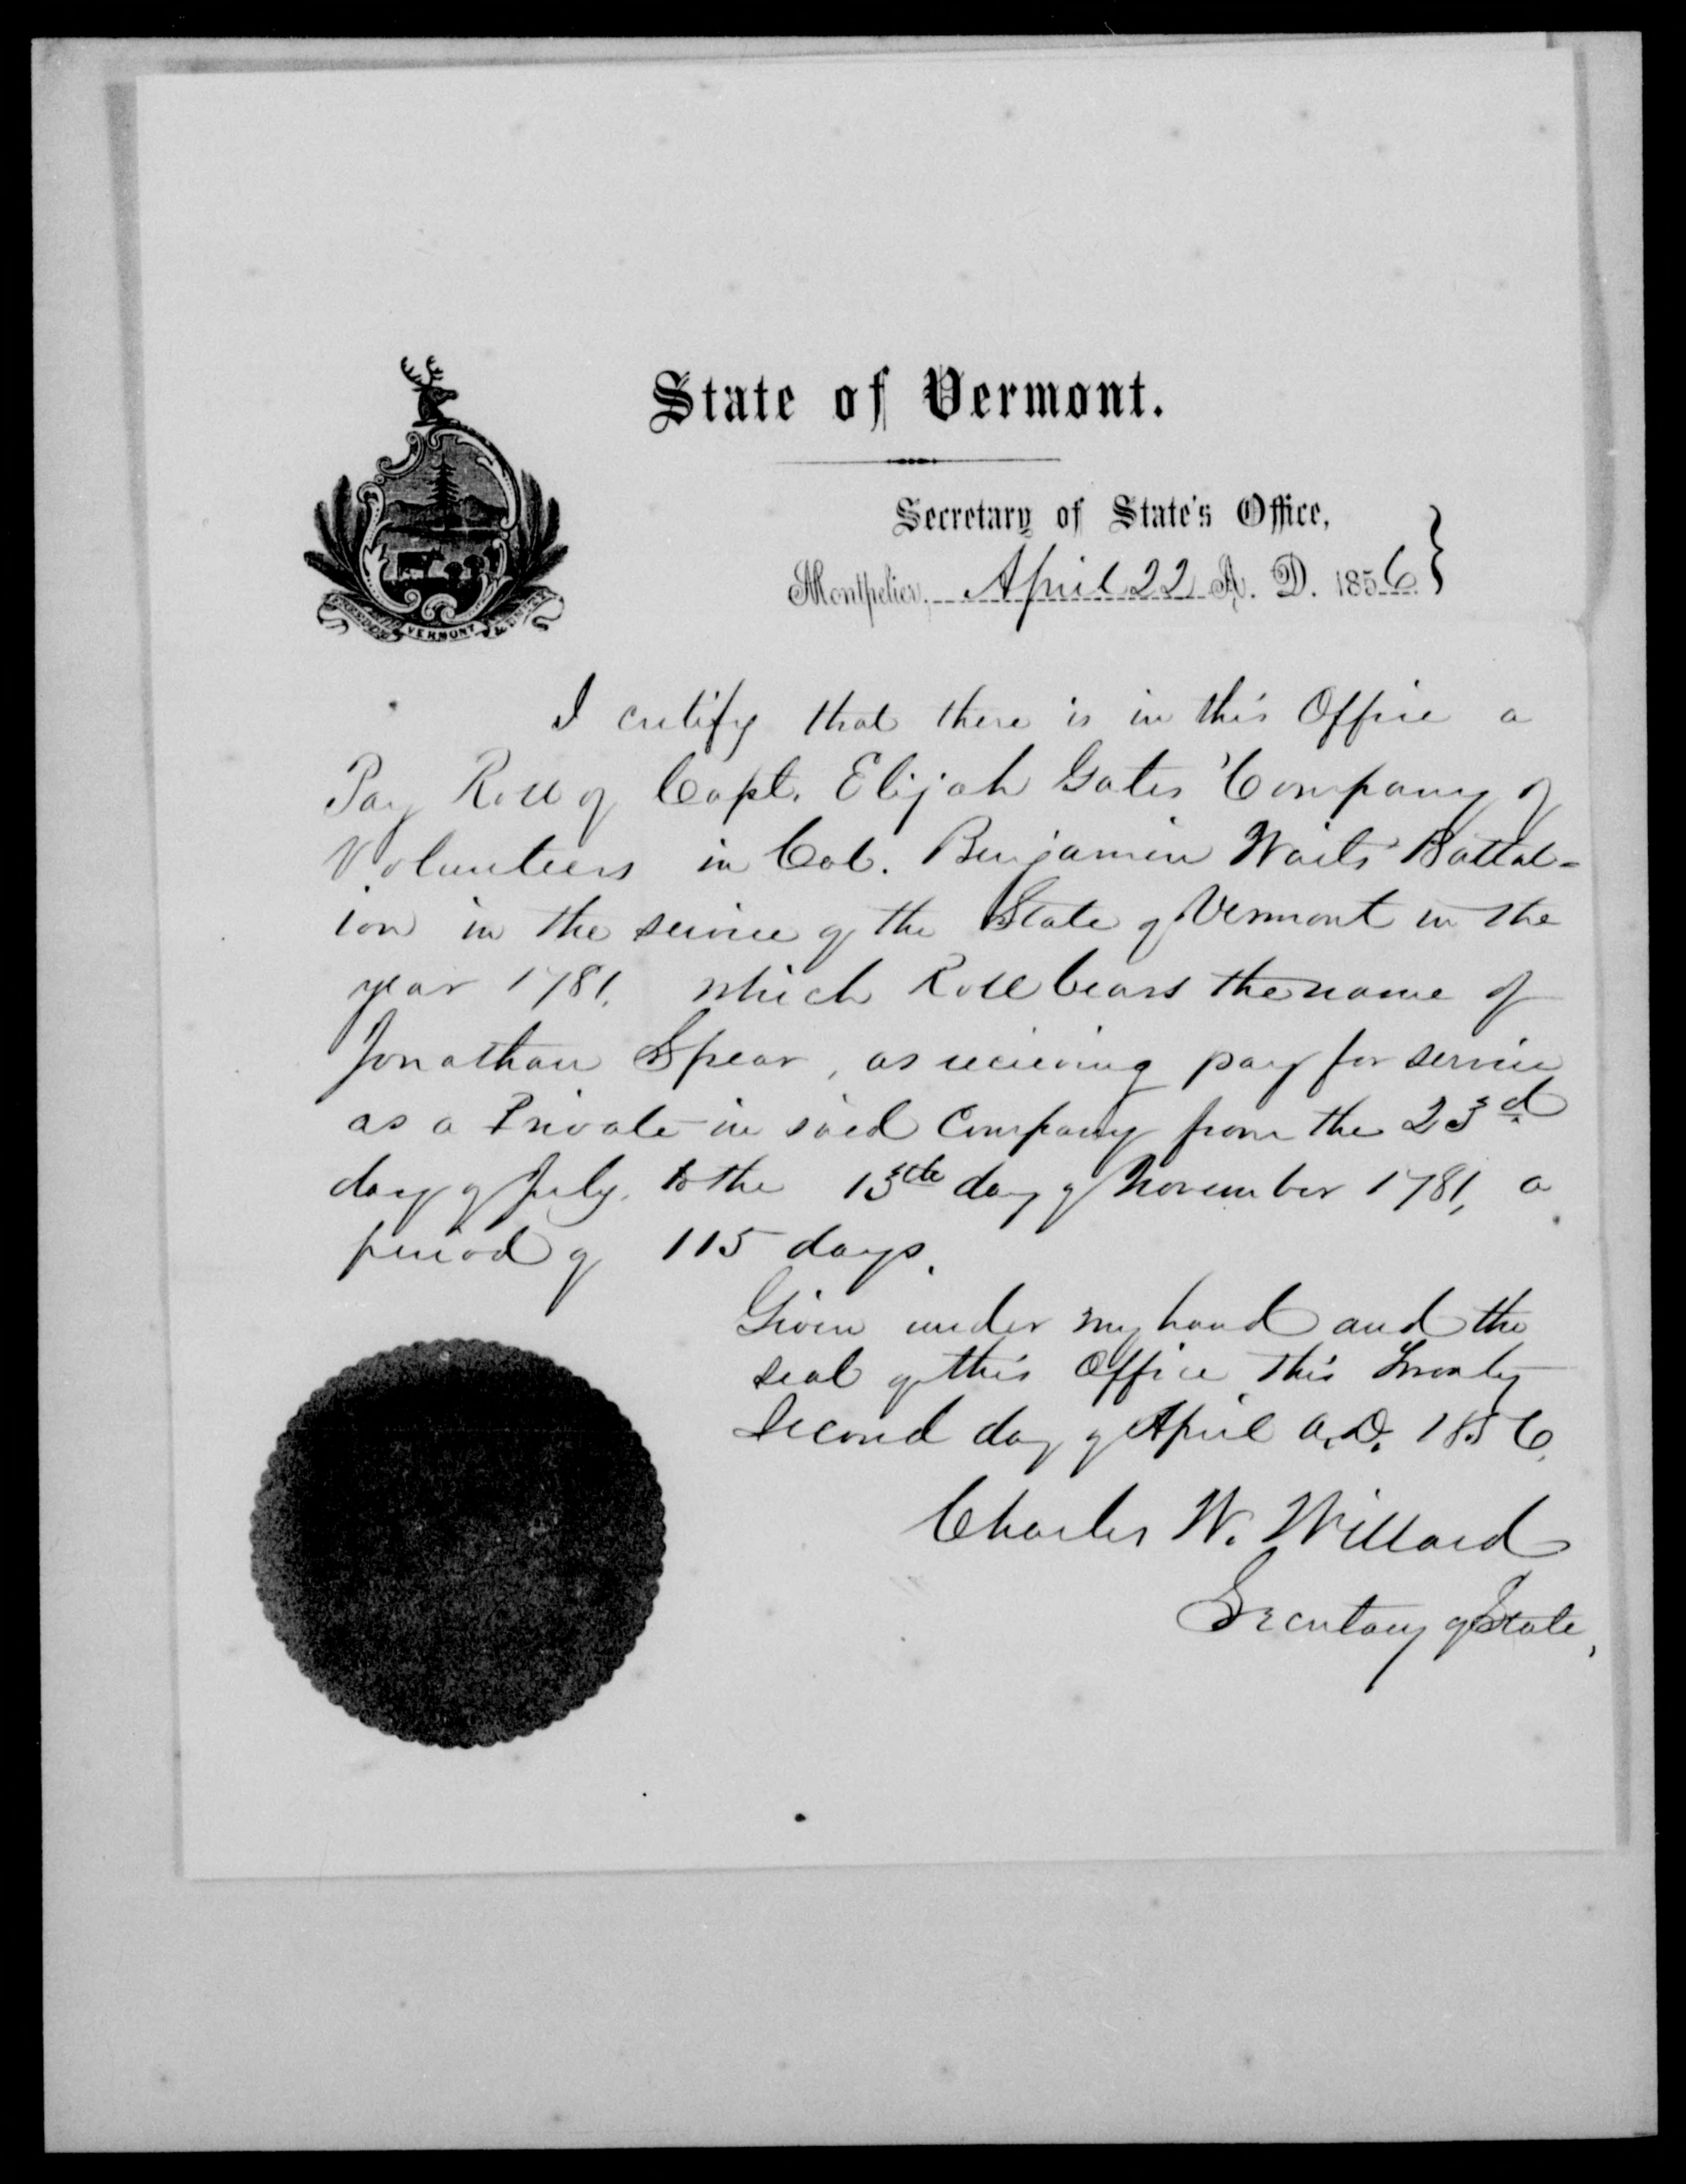FREEDOM VERMONT UNITY
State of Vermont
Secretary of State's Office,
Memphis, April 22, A.D. 1856
I certify that there is in this Office a
Pay Roll of Capt. Elijah Gates Company of
Volunteers in Col. Benjamin Waits Battalion
in the service of the State of Vermont in the
year 1781, which Roll bears the name of
Jonathan Spear, as receiving pay for service
as a Private in said company from the 23d
day of July, to the 13th day of November 1781 a
period of
115 days
Given under my hand and the
seal of this Office this Twenty
Second day of April A.D. 1856
Charles W. Willard
Secutary of State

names: Jonathan Spear; Charles W Willard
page: 28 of 65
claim: widow's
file: W. 7197, for Jonathan Spear, Vermont